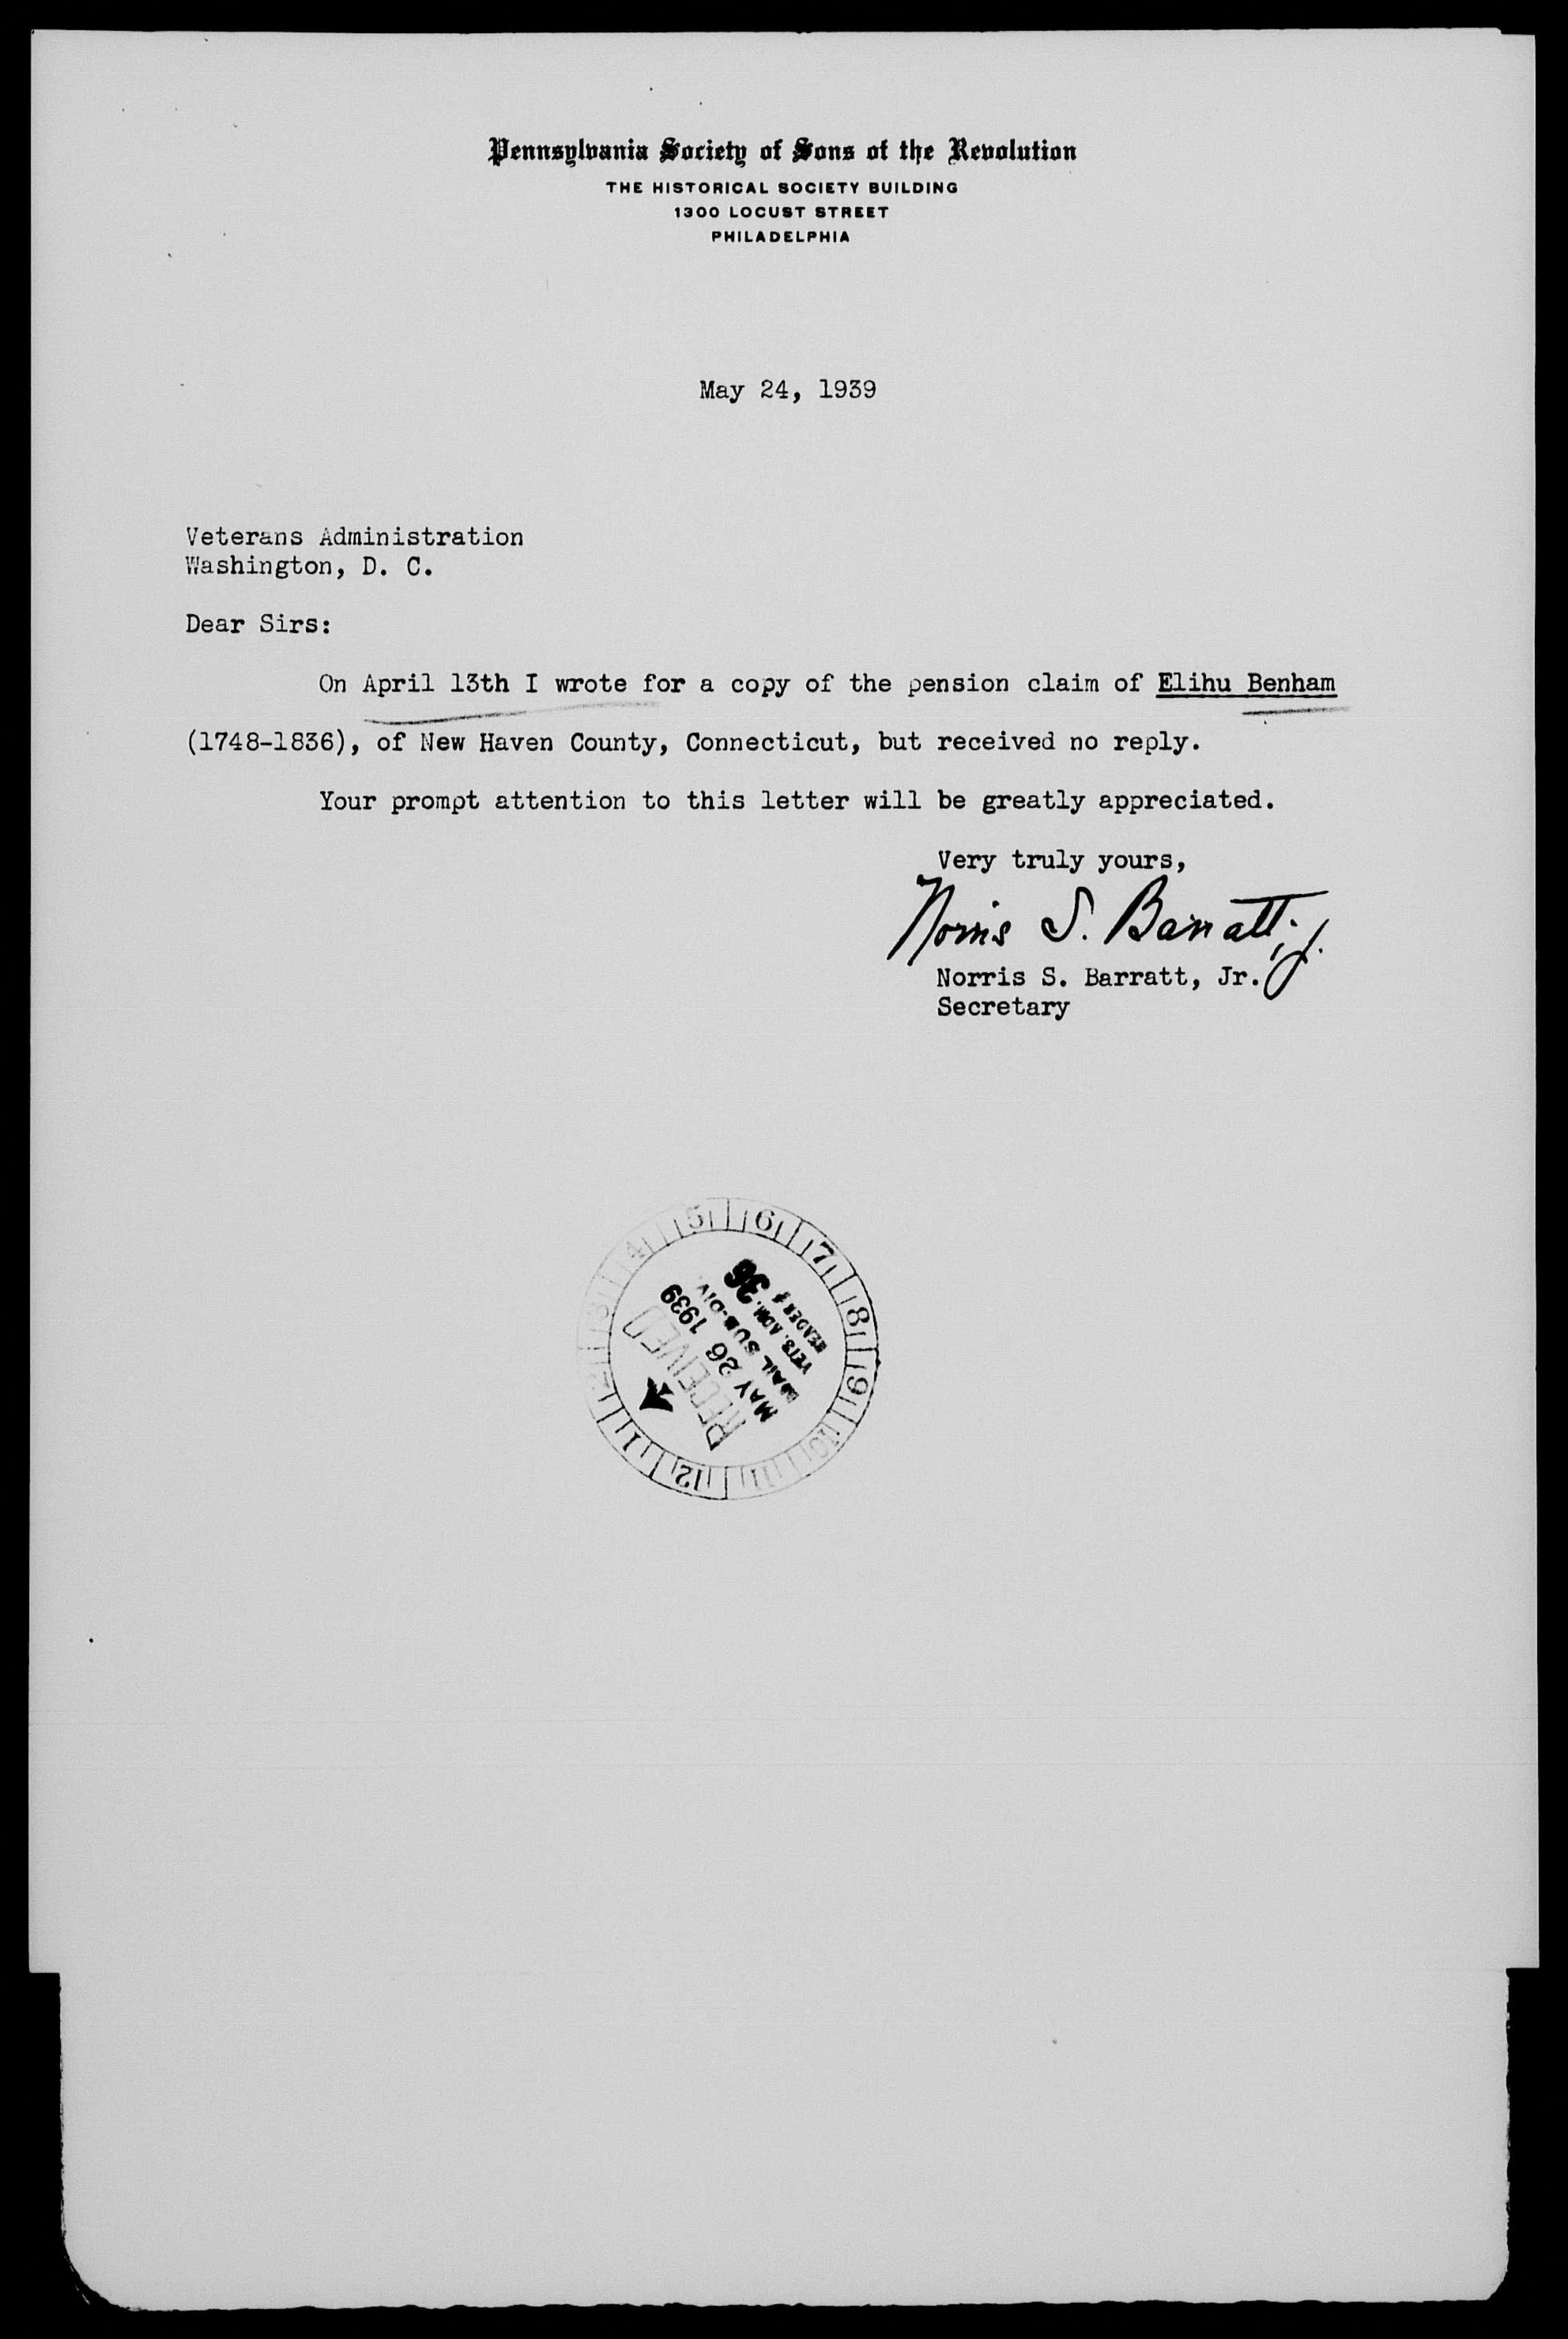Pennsylvania Society of Sons of the Revolution  THE HISTORICAL SOCIETY BUILDING 
1300 LOCUST STREET PHILADELPHIA 
May 24, 1939 
Veterans Administration Washington, D. C. 
Dear Sirs:
On April 13th I wrote for a copy of the pension claim of Elihu Benham  ( 1748 - 1836 ), of New Haven County, Connecticut, but received no reply. Your prompt attention to this letter will be greatly appreciated. Very truly yours, [signature] Norris S. Barratt, Jr. Secretary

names: Elihu Benham, Norris S Barratt, Norris S Barratt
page: 43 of 45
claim: survivor's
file: S. 15748, Elihu Benham, Conn.